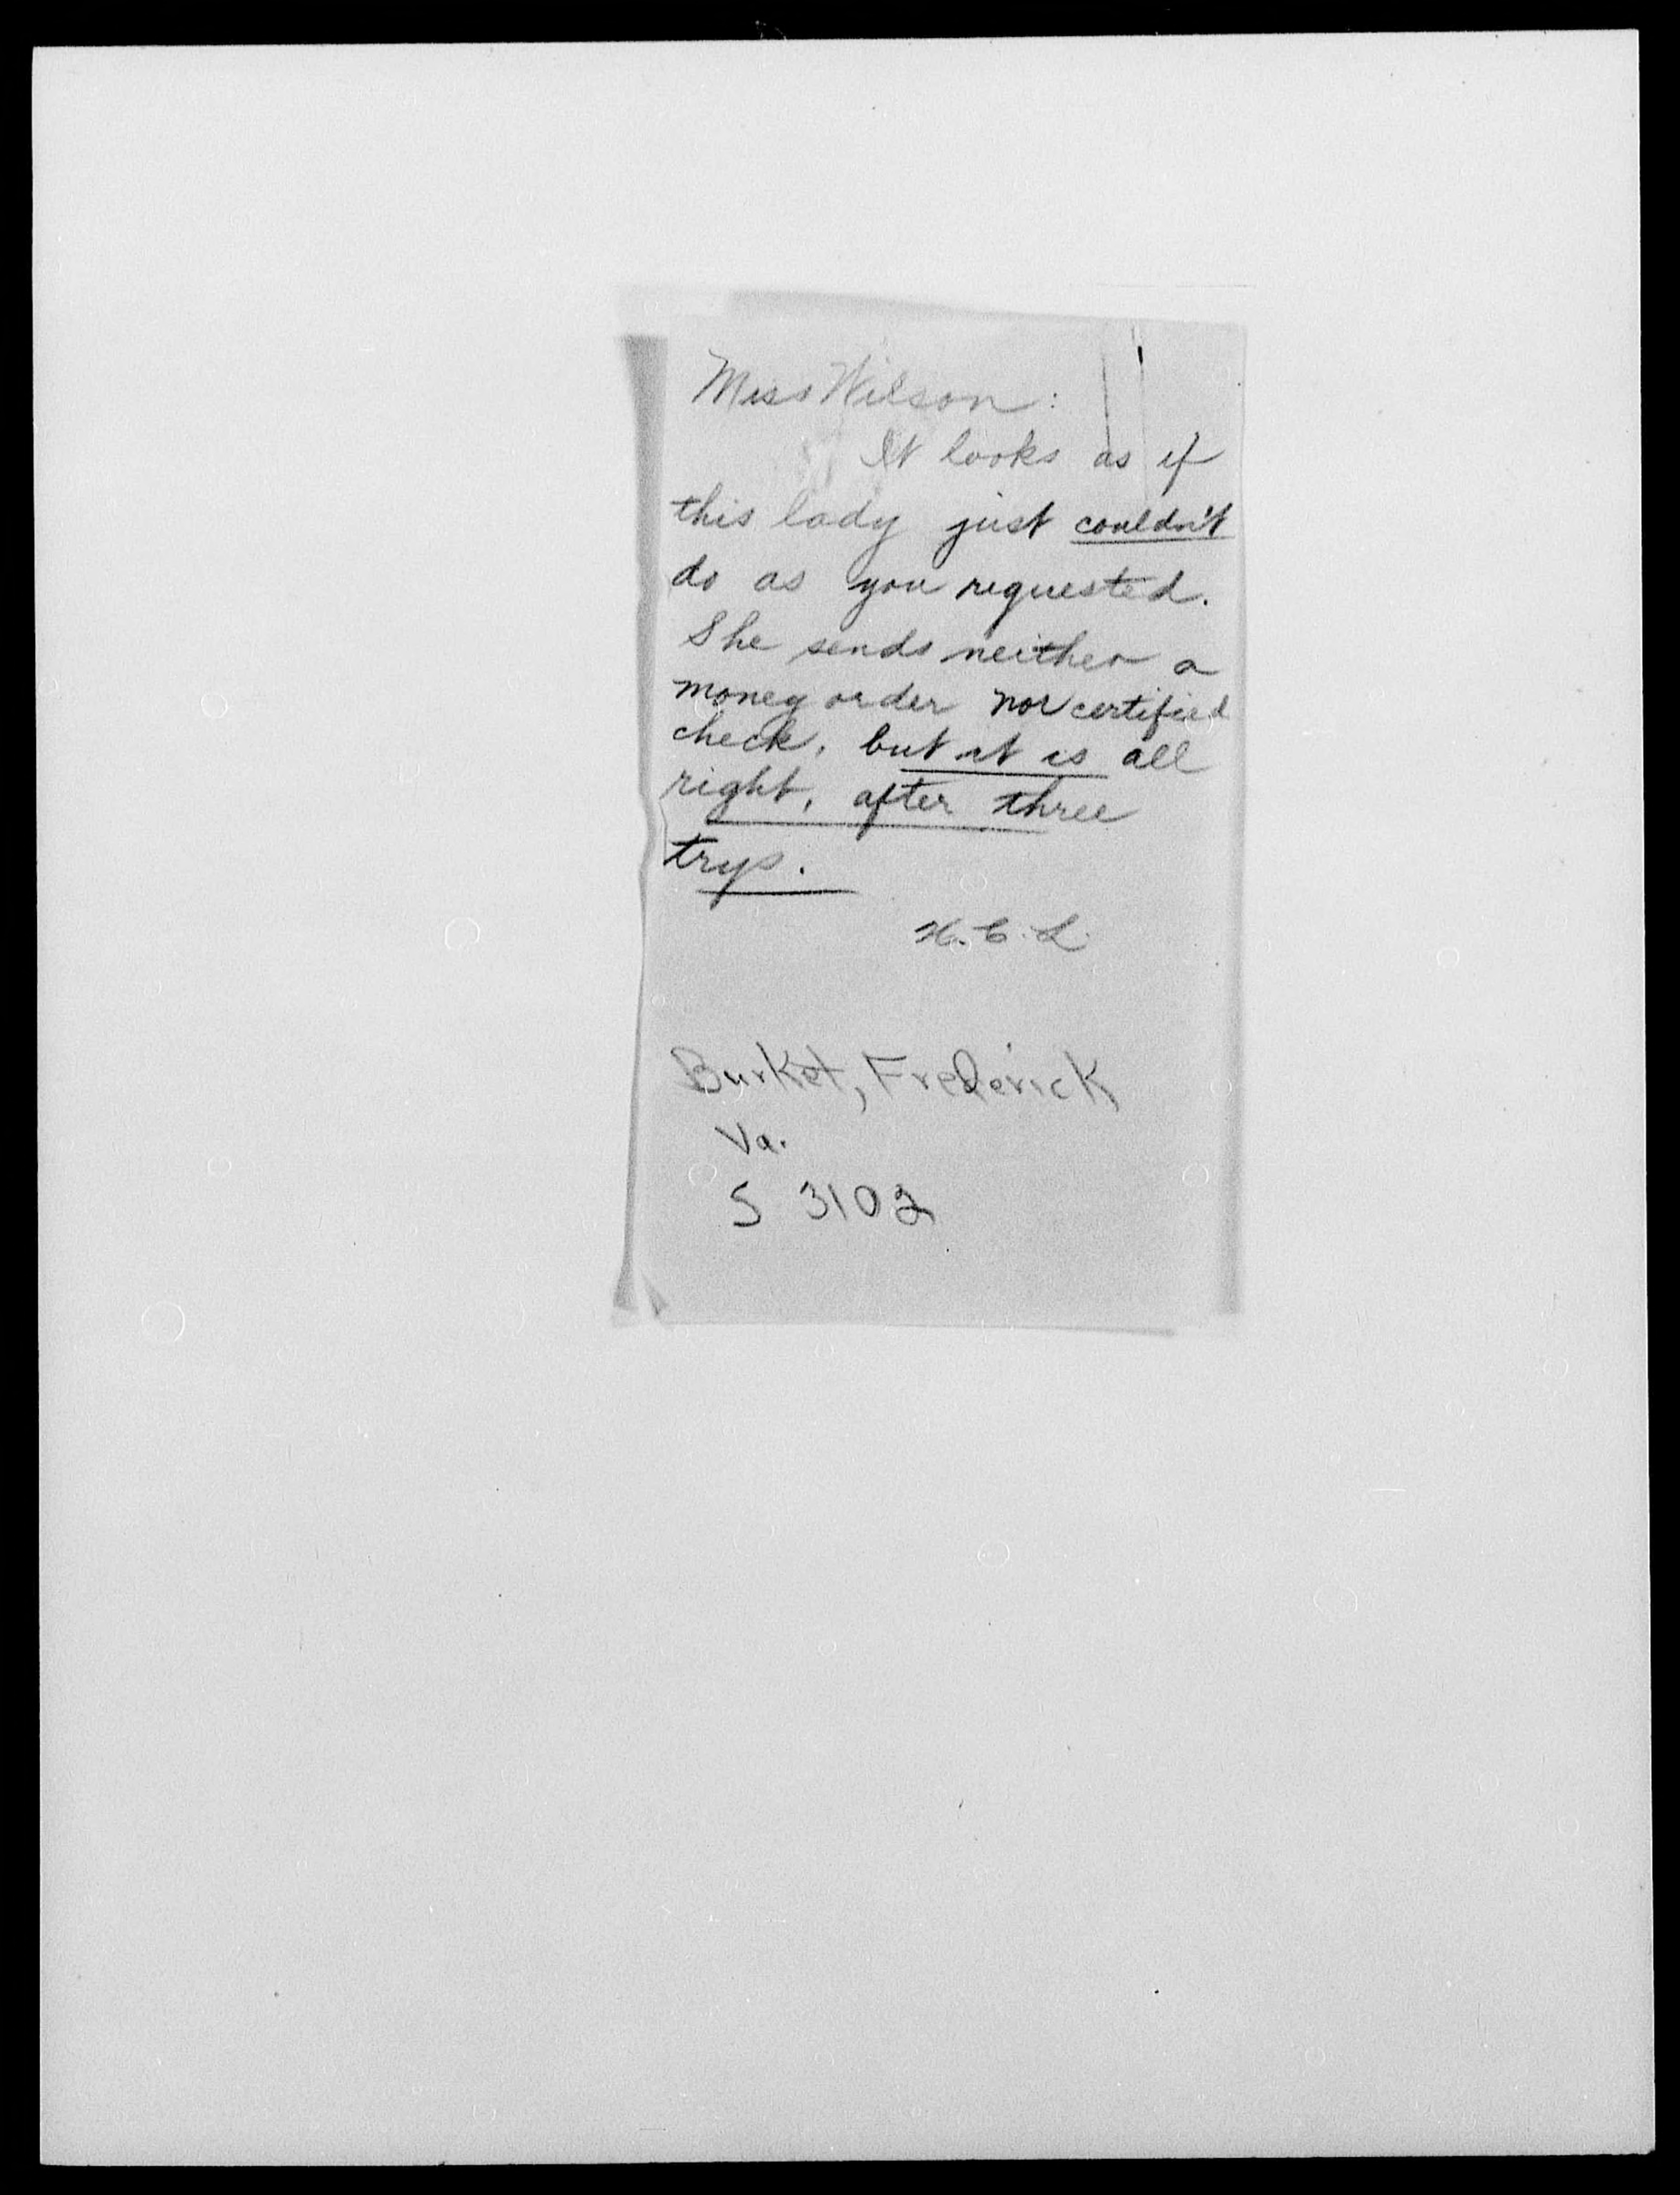Miss Wilson:
It looks as if this lady just couldn’t do as you requested. 
She sends neither a money order nor certified check, but it is all right, after three trys.

NCL

Burket, Frederick
Va.
S3102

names: Wilson, Frederick Burket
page: 35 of 47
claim: survivor's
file: S. 3102, Frederick Burket, Va.